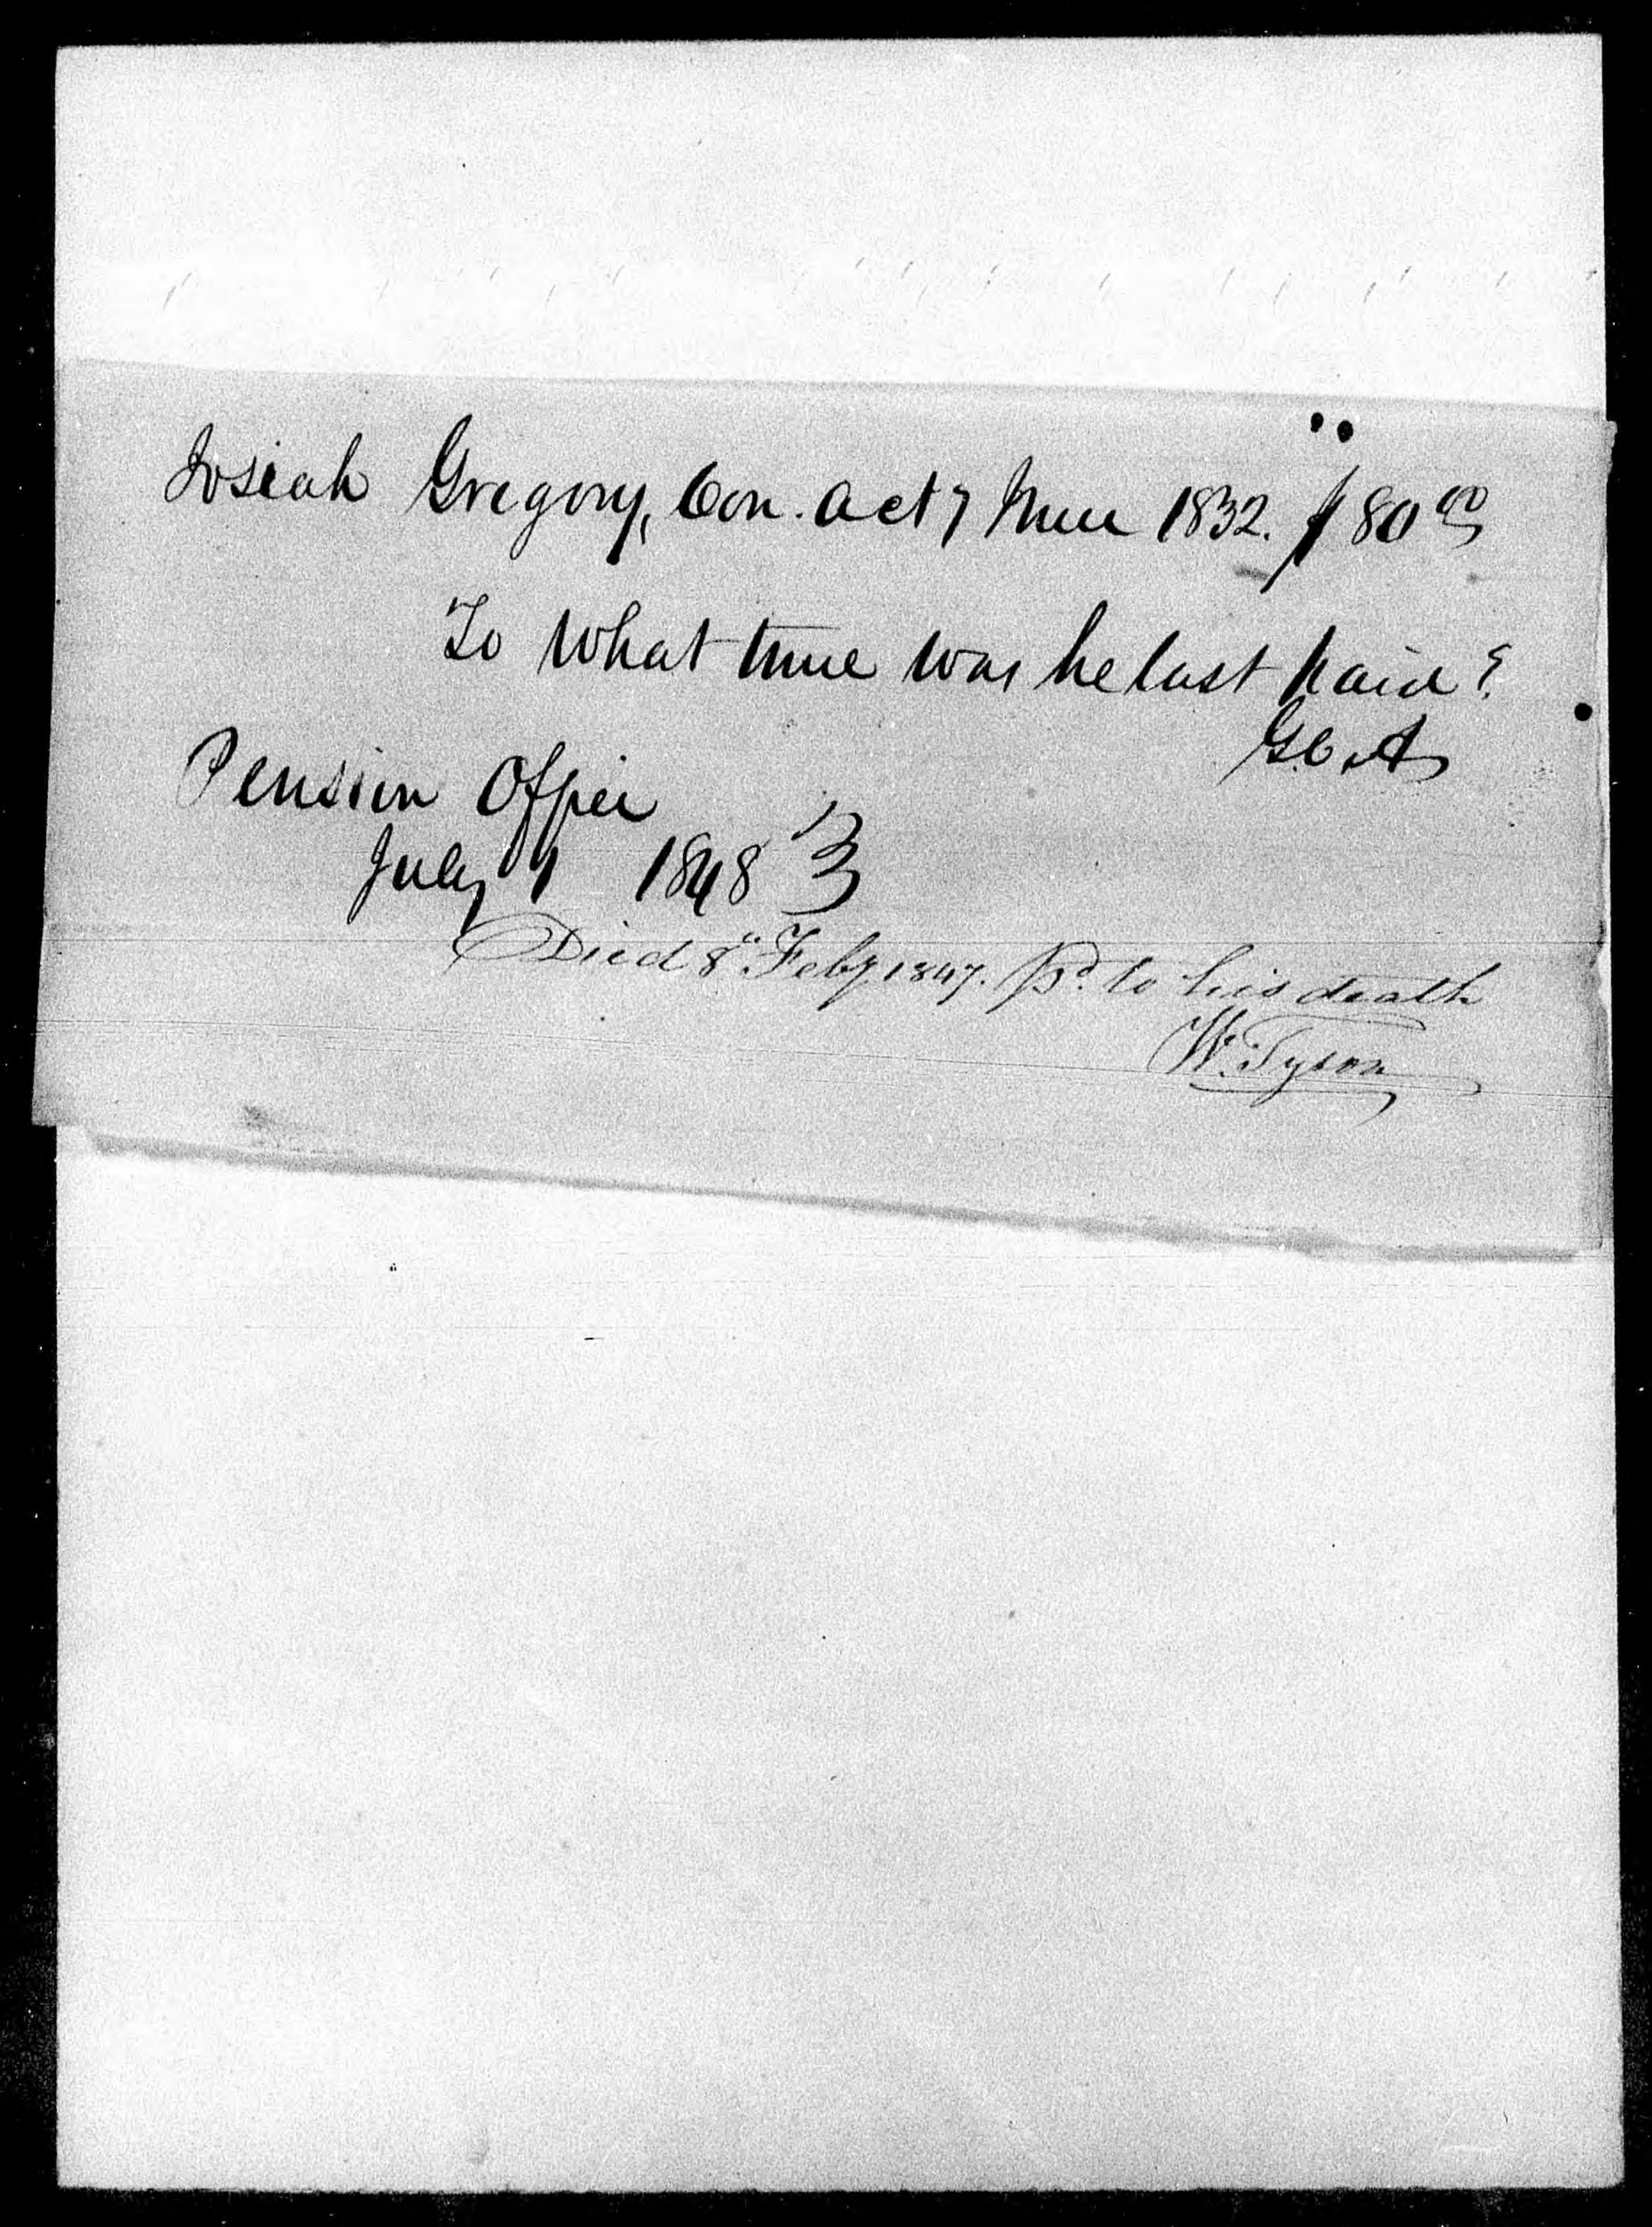Josiah Gregory, Con. Act 7 June 1832.  $80.00
  To what time was he last paid?                                                                       
                                            G.C.A.
Pension Office
    July 1  1848}
   Died 8"  Feby 1847. Pd to his death
                                         W. Tyson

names: W Tylor, Josiah Gregory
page: 23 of 49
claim: widow's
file: W 24308, Josiah Gregory, Conn.